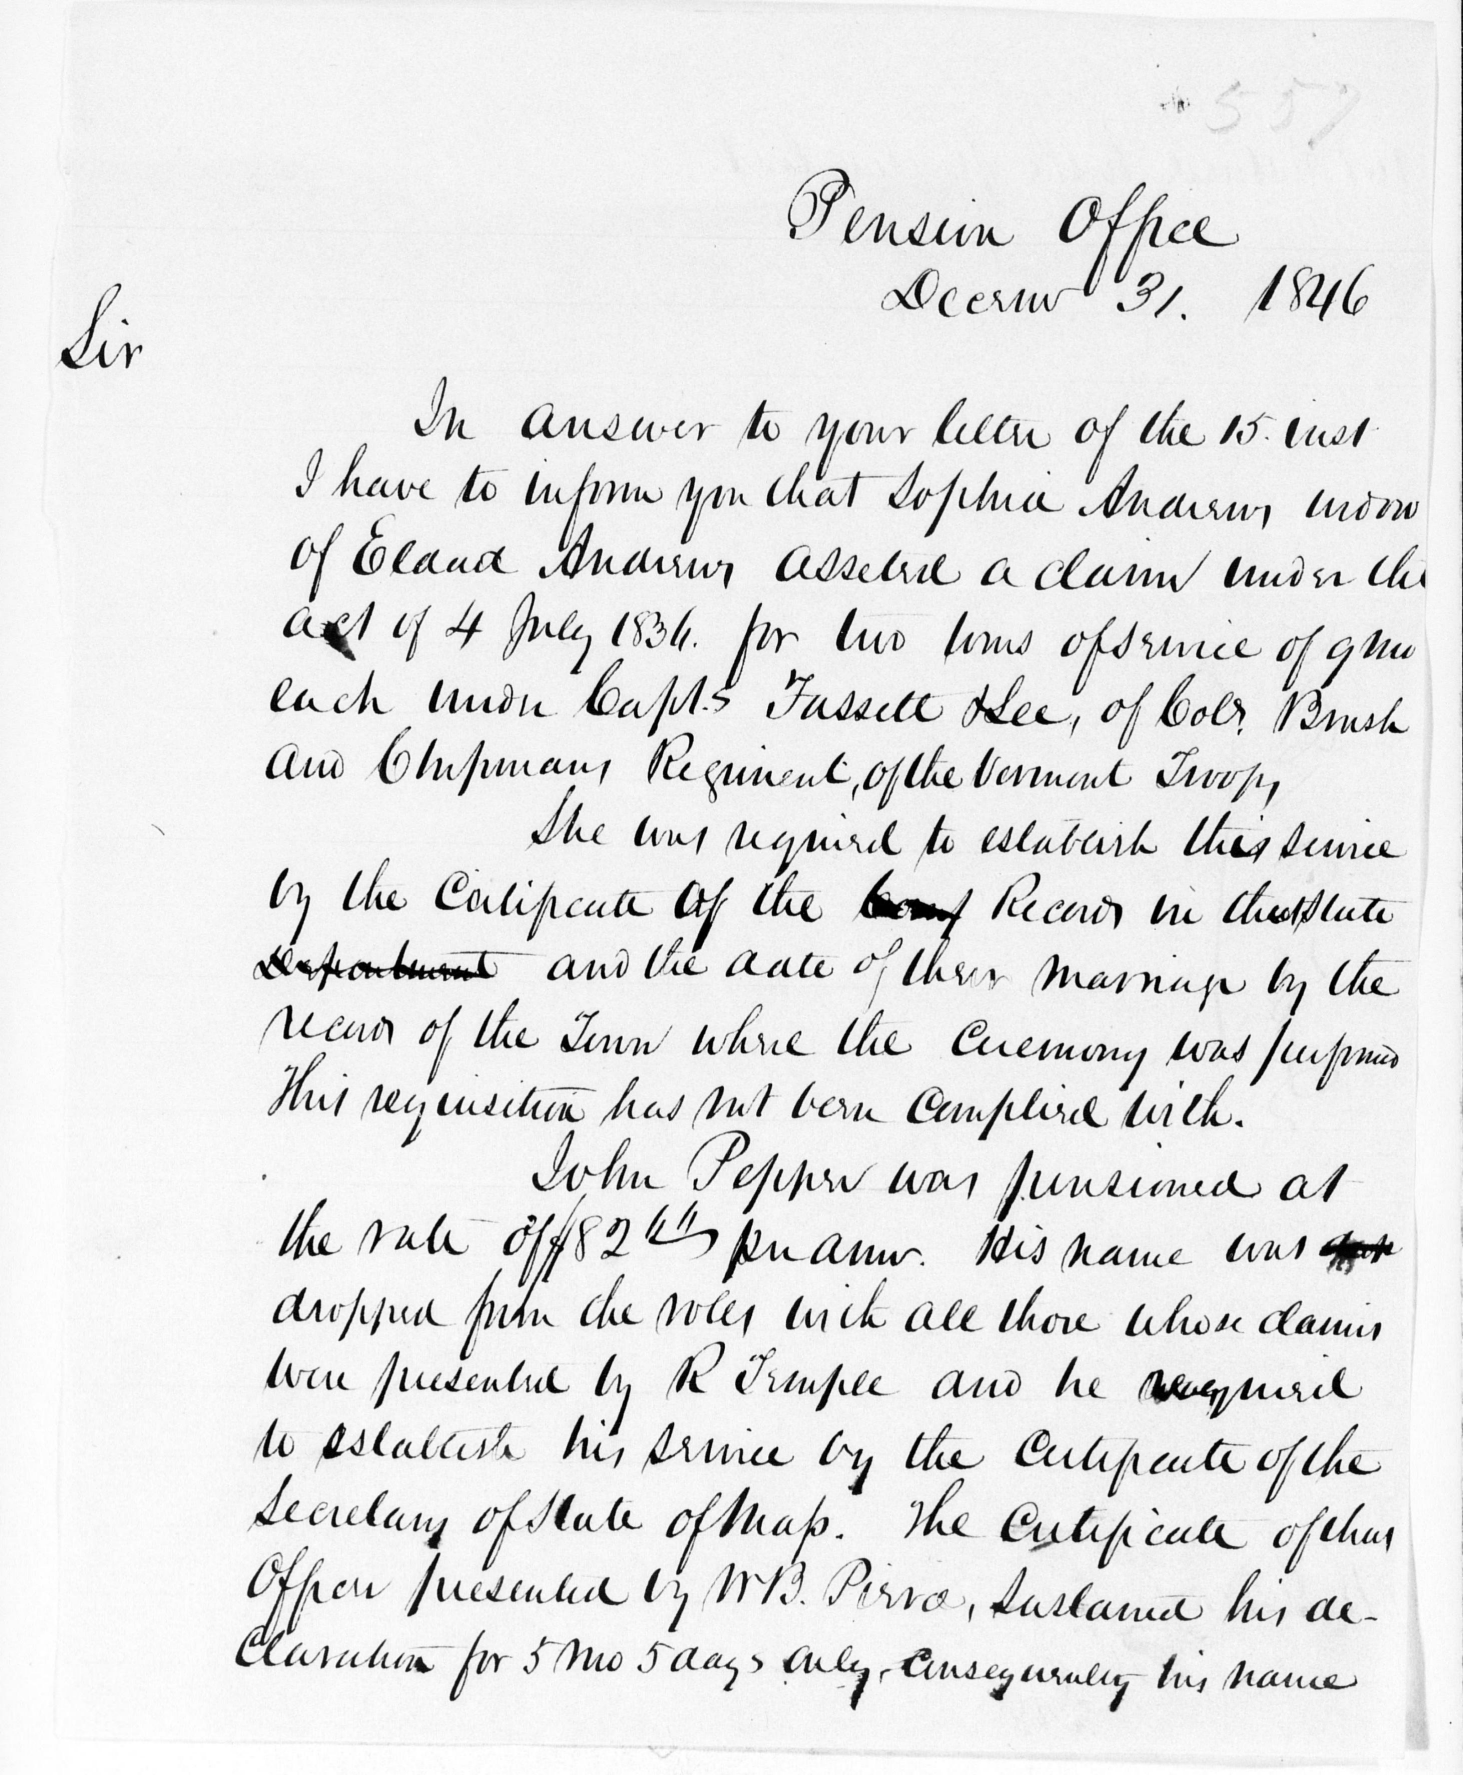Pension Office
Dec. 31, 1846
Sir
In answer to your letter of the 15. Just
I have to inform you that Sophia Andrews widow
of Eldad Andrews assisted a claim under the
act of 4 July 1836. For two term of service of in
each under Capt. Fassett & Lee, of Cole Brush
and Chipman Regiment of the Vermont Troops,
she was required to establish this service by the certificate of the Records in the State
Defendant and the date of their marriage by the
record of the Town where the ceremony was suspended. This requisition has not been complied with.
John Pepper was pensioned at the rate of 82nd per ann. His name was dropped from the rolls with all those whose claims were presented by R Temple and he repent to establish his service by the certificate of the Secretary of State of Mass. The Certificate of this Officer presented by W B. Perro, sustained his declaration for 5 mos 5 days only consequently his name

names: Eldad Andrews, John Pepper, Sophia Andrews, W B Pierce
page: 17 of 27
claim: rejected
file: R. 223, Eldad Andrus, Vt.